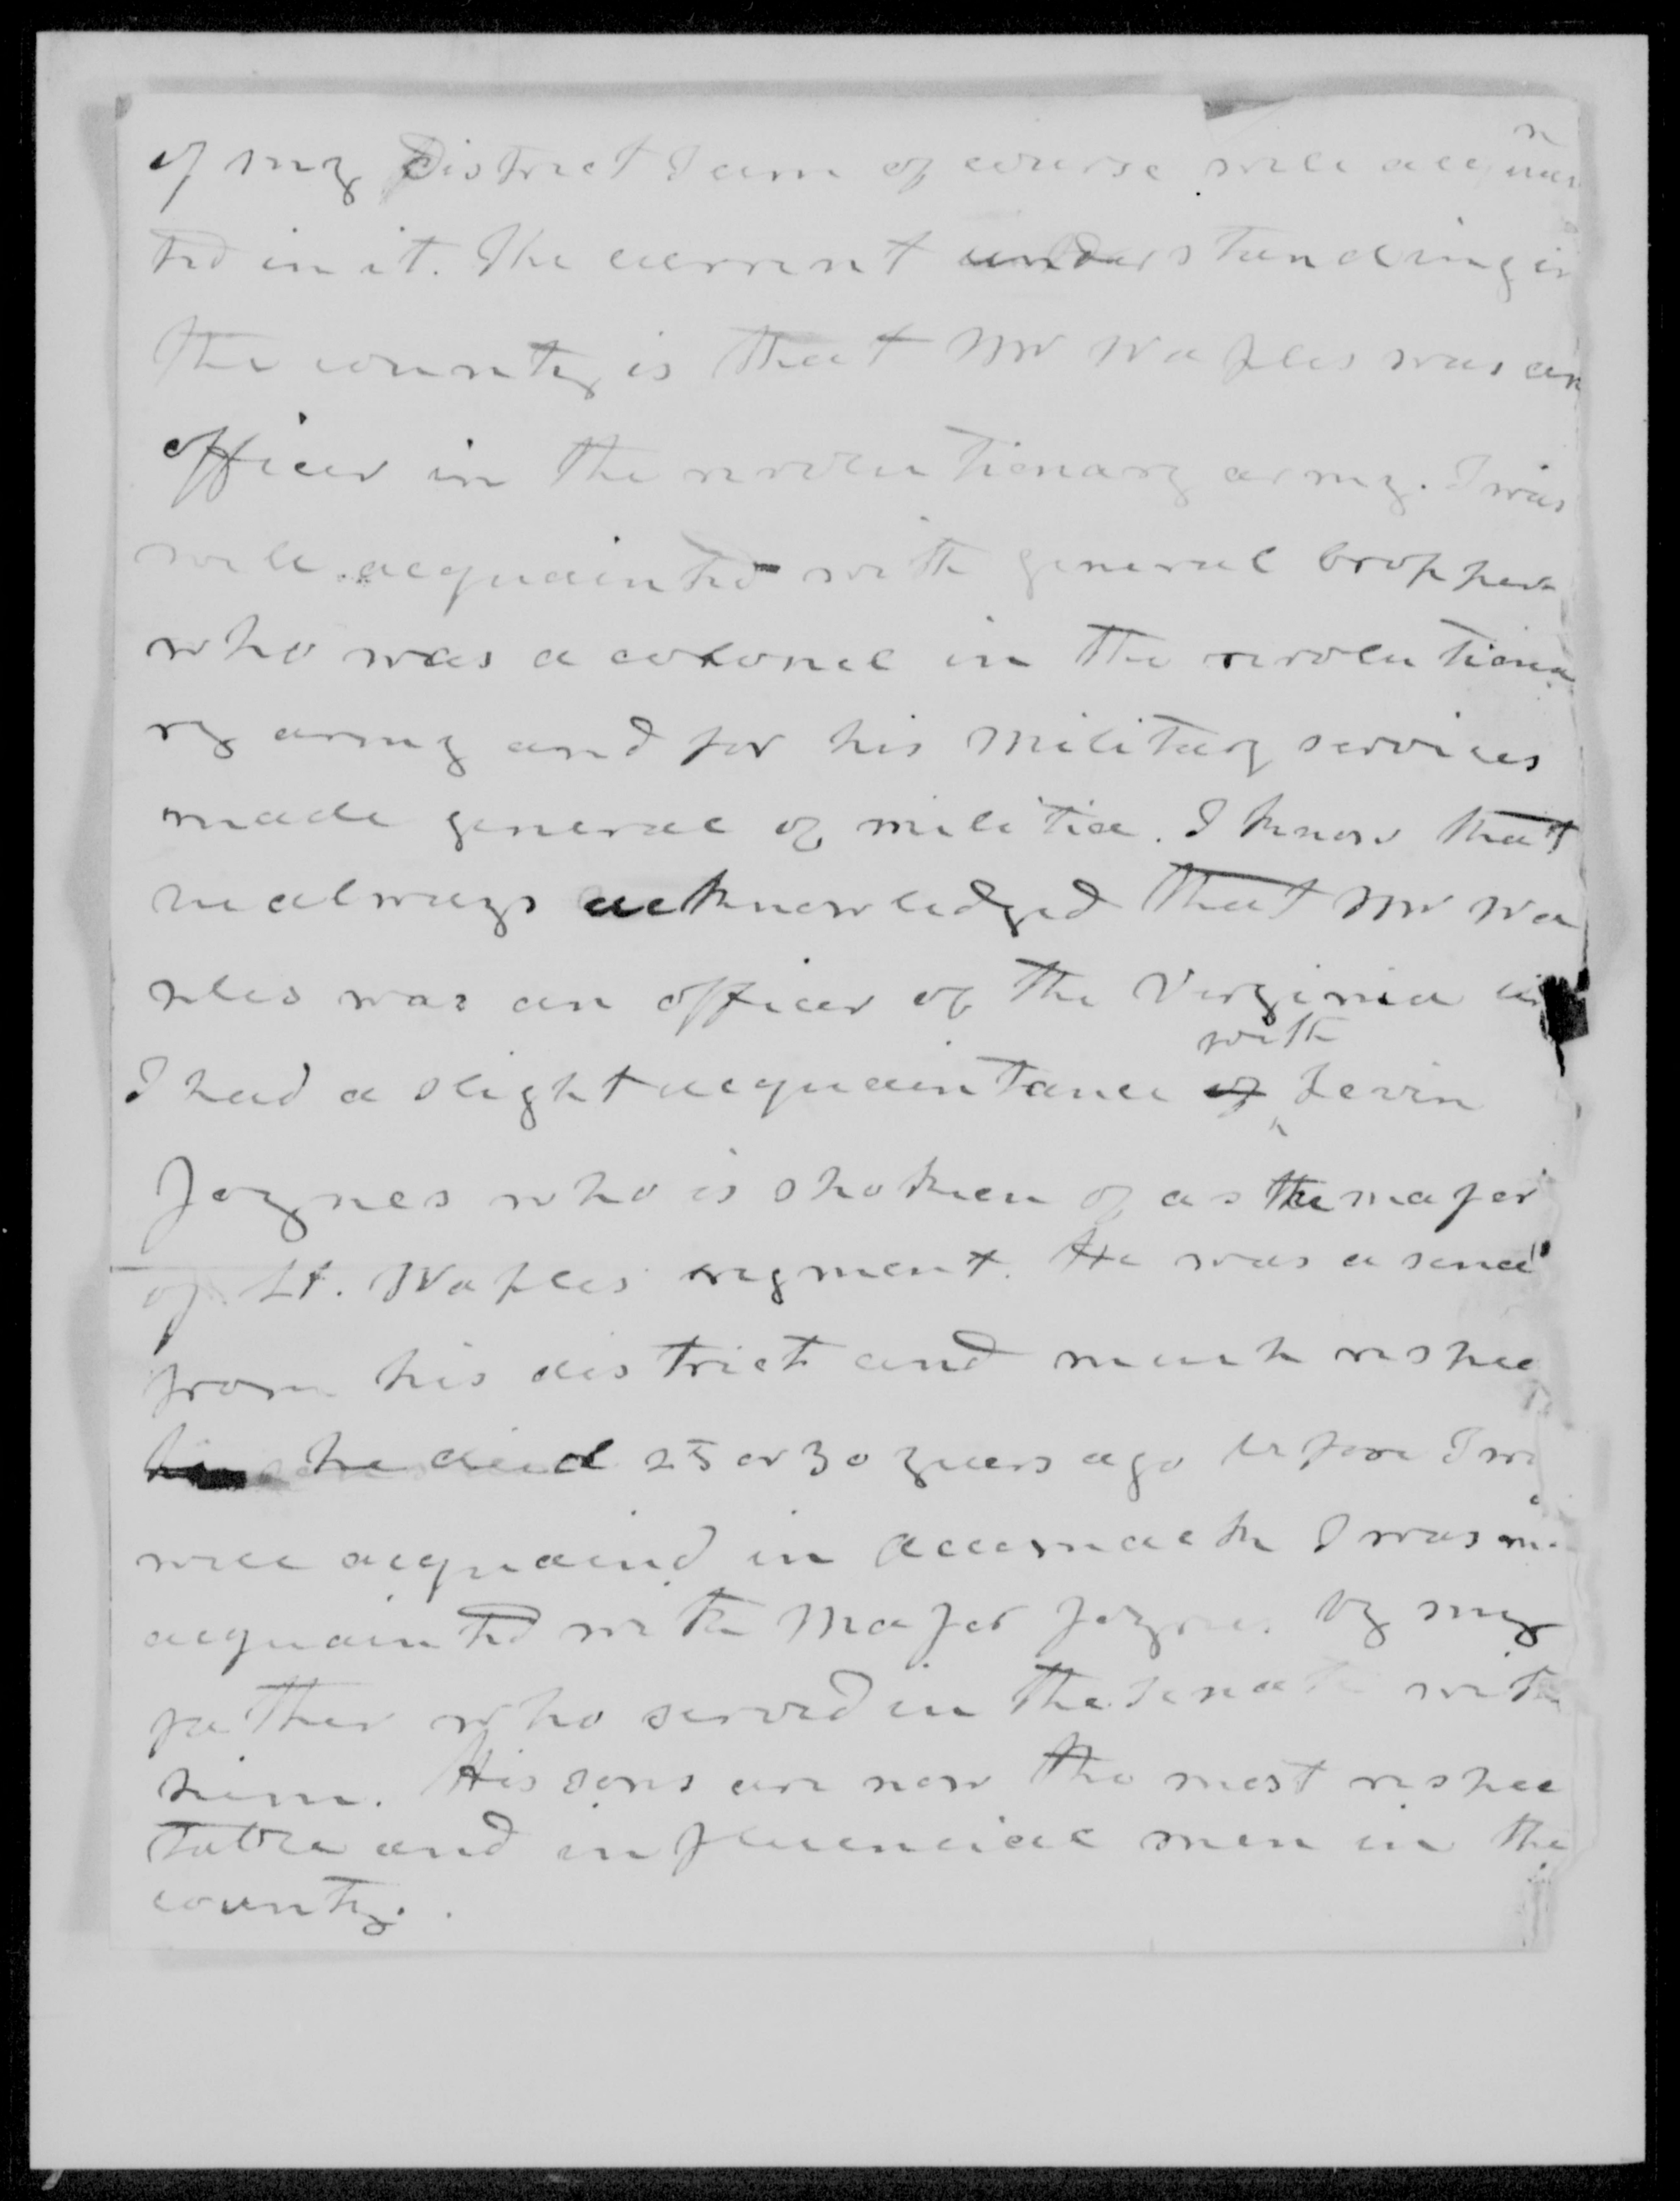of my District I am of course well acquainted in it. The current understanding in the county is that Mr Waples was an officer in the revolutionary army. I was well acquainted with general Cropper who was a colonel in the revolutionary army and for his military services made general of militia. I know that he always acknowledged that Mr Waples was an office of the Virginia [in].
I had a slight acquaintance with Levin Joynes who is spoken of as the major of Lt. Waples' regment. He was a sence from his district and most [illegible] [or much notice] he died 25 or 30 years ago before I am well acquainted in Accomack I was [illegible] acquainted with Major Joyner by my father who served in the tenth with him. His sons are now the most notable and influencial men in the county.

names: Waples, Waples, Cropper, Levin Joynes, Waples, Joynes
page: 33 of 59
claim: widow's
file: W. 6427, Samuel Waples, Va.